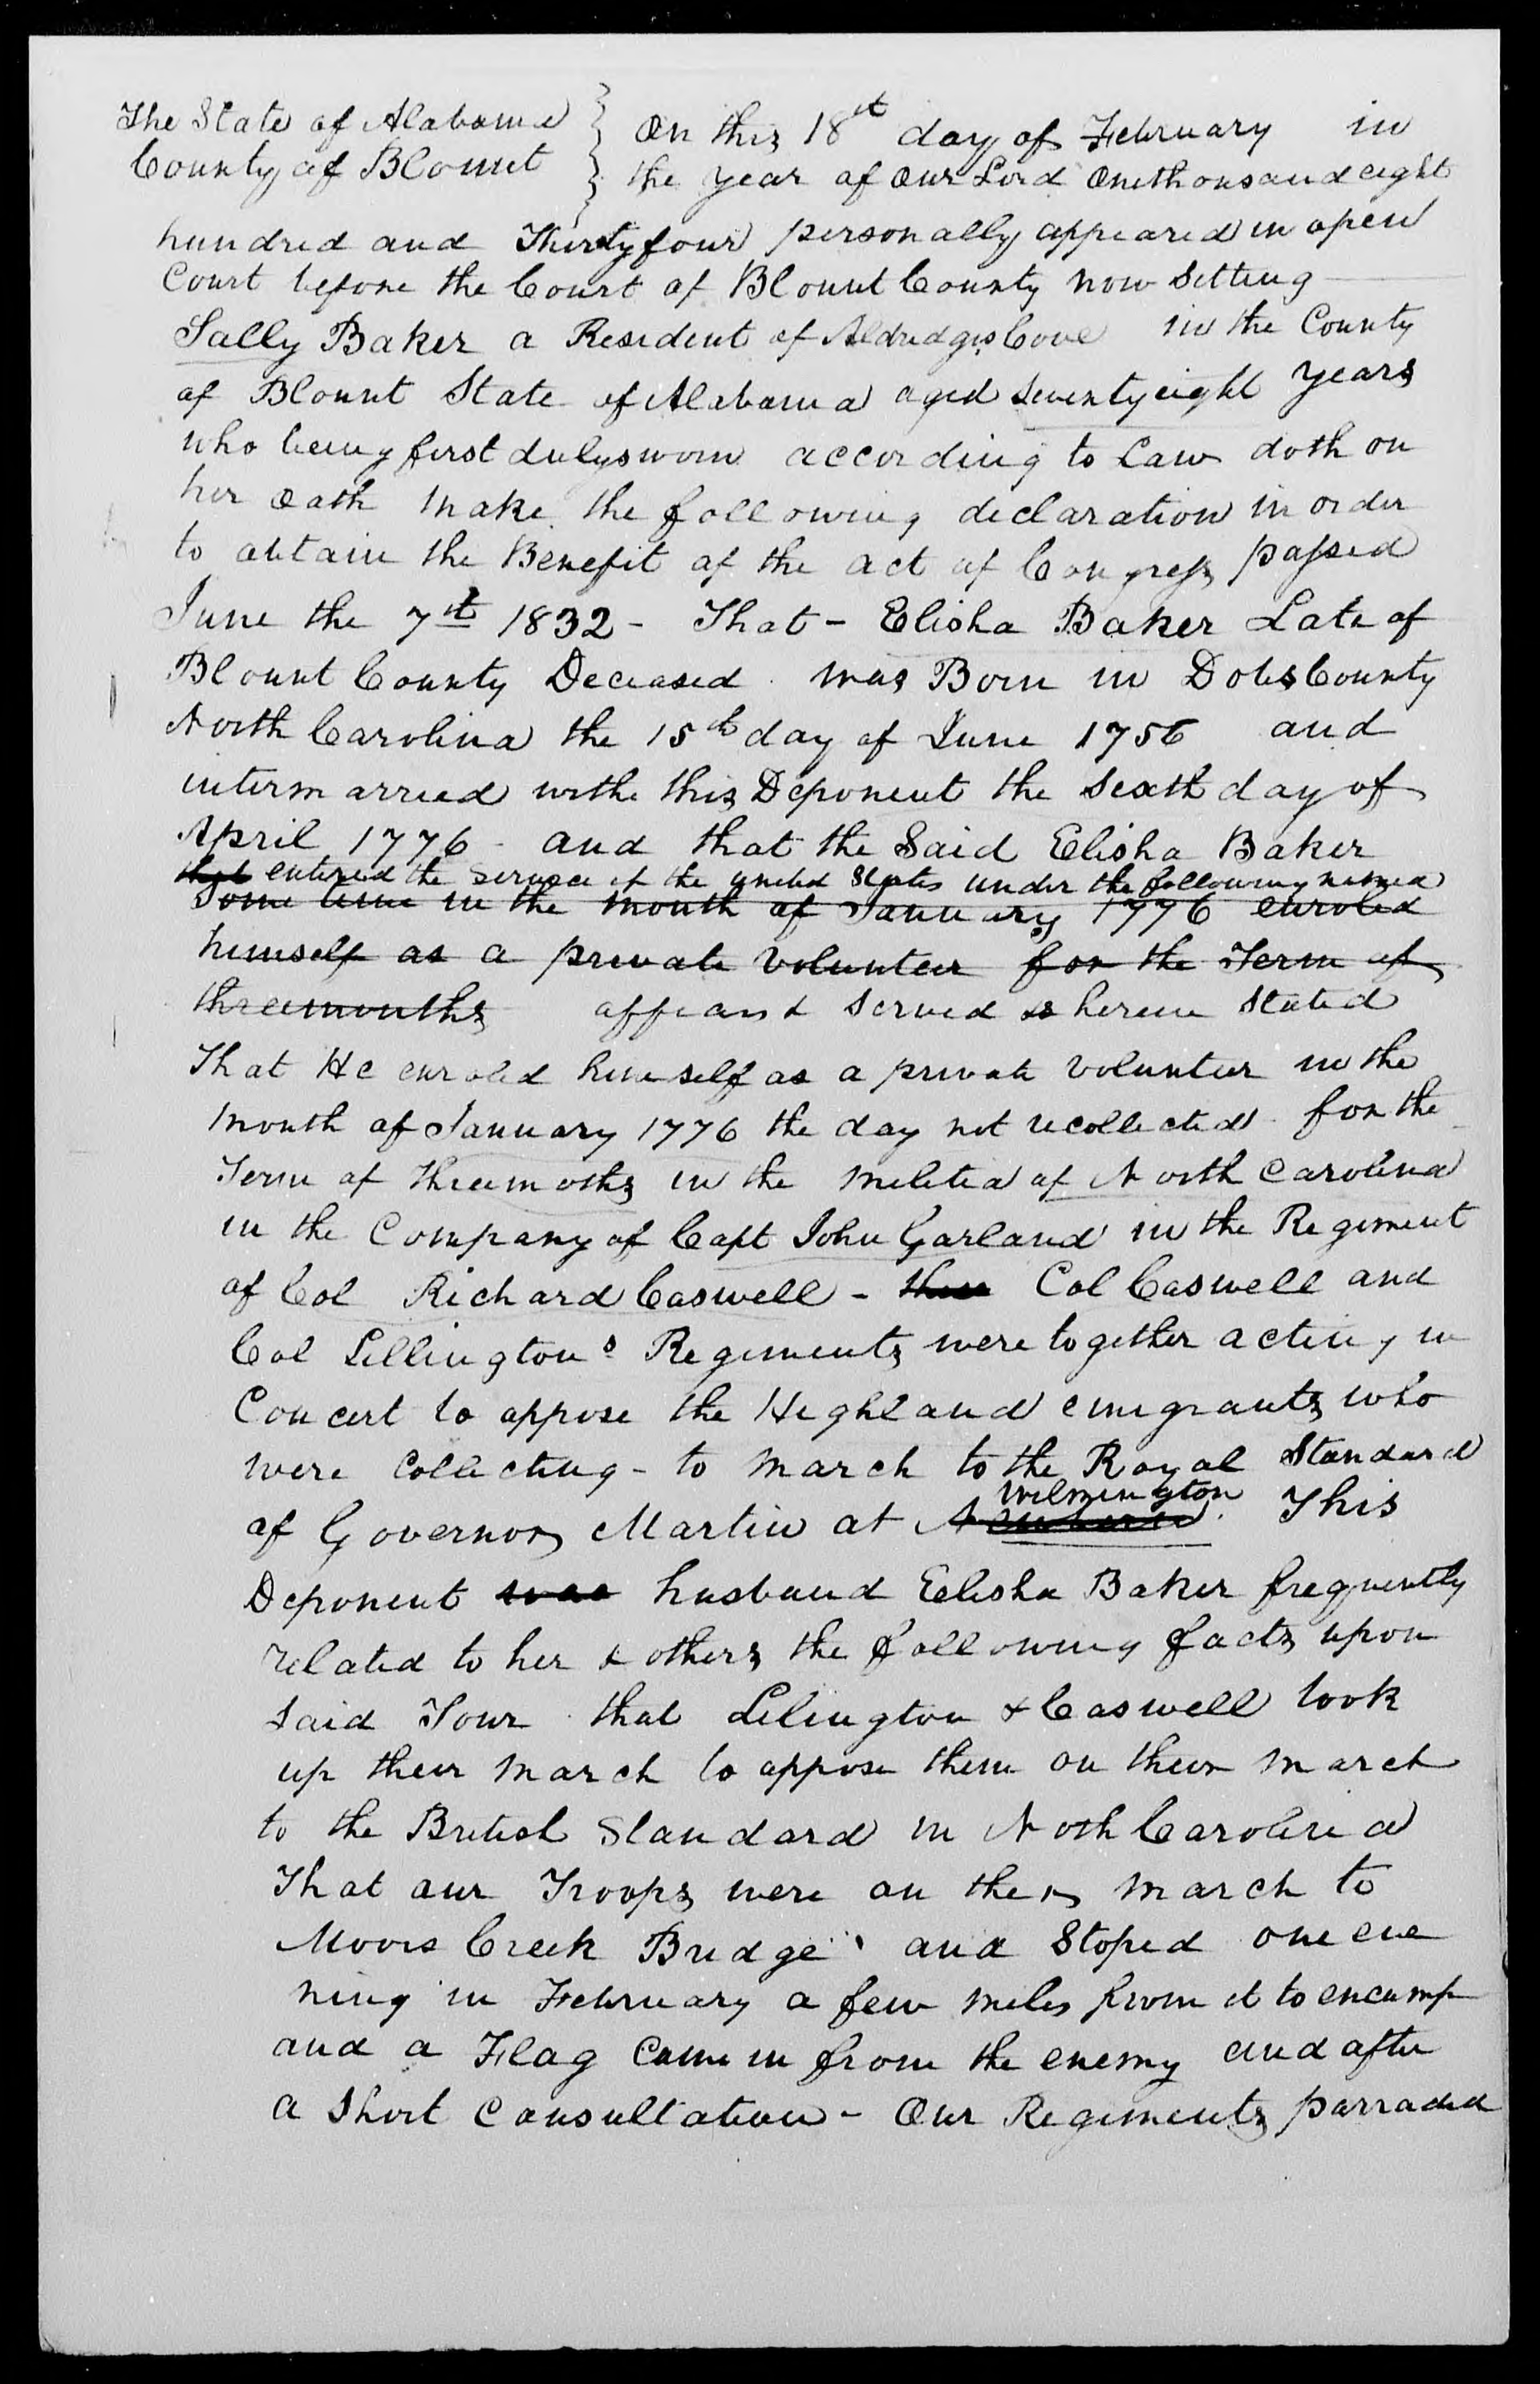The State of Alabama}
County of Blount}
On this 18th day of February in
the year of our Lord One thousand eight
hundred and Thirty four personally appeared in open
Court before the Court of Blount County now Sitting---
Sally Baker a Resident of Aldridges Cove
------
in the County of Blount State of Alabama  aged Seventy eight years 
Who being first duly sworn according to Law doth on her oath Make the following declaration in order
to obtain the Benefit of the Act of Congress,
passed June the 7th 1832-That-Elisha Baker Late of Blount County Deceased. 
Was Born in Dobs County North Carolina the 15th day of June 1756 and intern arrived with this
Deponent the sixth day of April 1776-and that the Said Elisha Baker entered the Service of the United States under the following name.

(Scratched out-one term in the month of January 1776 enroled)
 himself as a private volunteer for the Term of three months afficiant & Served as herein Stated That He enroled himself as a
private volunteer in the Month of January 1776 the day not recollected for the Term of three months in the Militia of North Carolina in the Company of Capt John Garland in the Regiment of Col Richard Caswell-(scratced out)
Col Caswell and Col Lillingtons-Regiments were together acting in Concert to appose the Highland emigrants who were Collecting-to March to the Royal Standard of Governor Martin at Wilmington. 
This Deponent (scratched out -was) husband Elisha Baker 
frequently related to her & others the following facts upon said Tour that Lillington &  
Caswell took up their March to oppose them on their March to the British Standard in North Carolina That our Troops were on 
the, March to Moors Creek Bridge and stoped one eve ning in February a few miles from it to encamp and a Flag Came in from the enemy and after a Short Consultation-Our Regiments parraded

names: Lilington, Caswell, Richard Caswell, Elisha Baker, Sally Baker, Martin, John Garland, Elisha Baker, Caswell, Elisha Baker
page: 2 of 22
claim: rejected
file: R. 411, Elisha Baker, N.C.